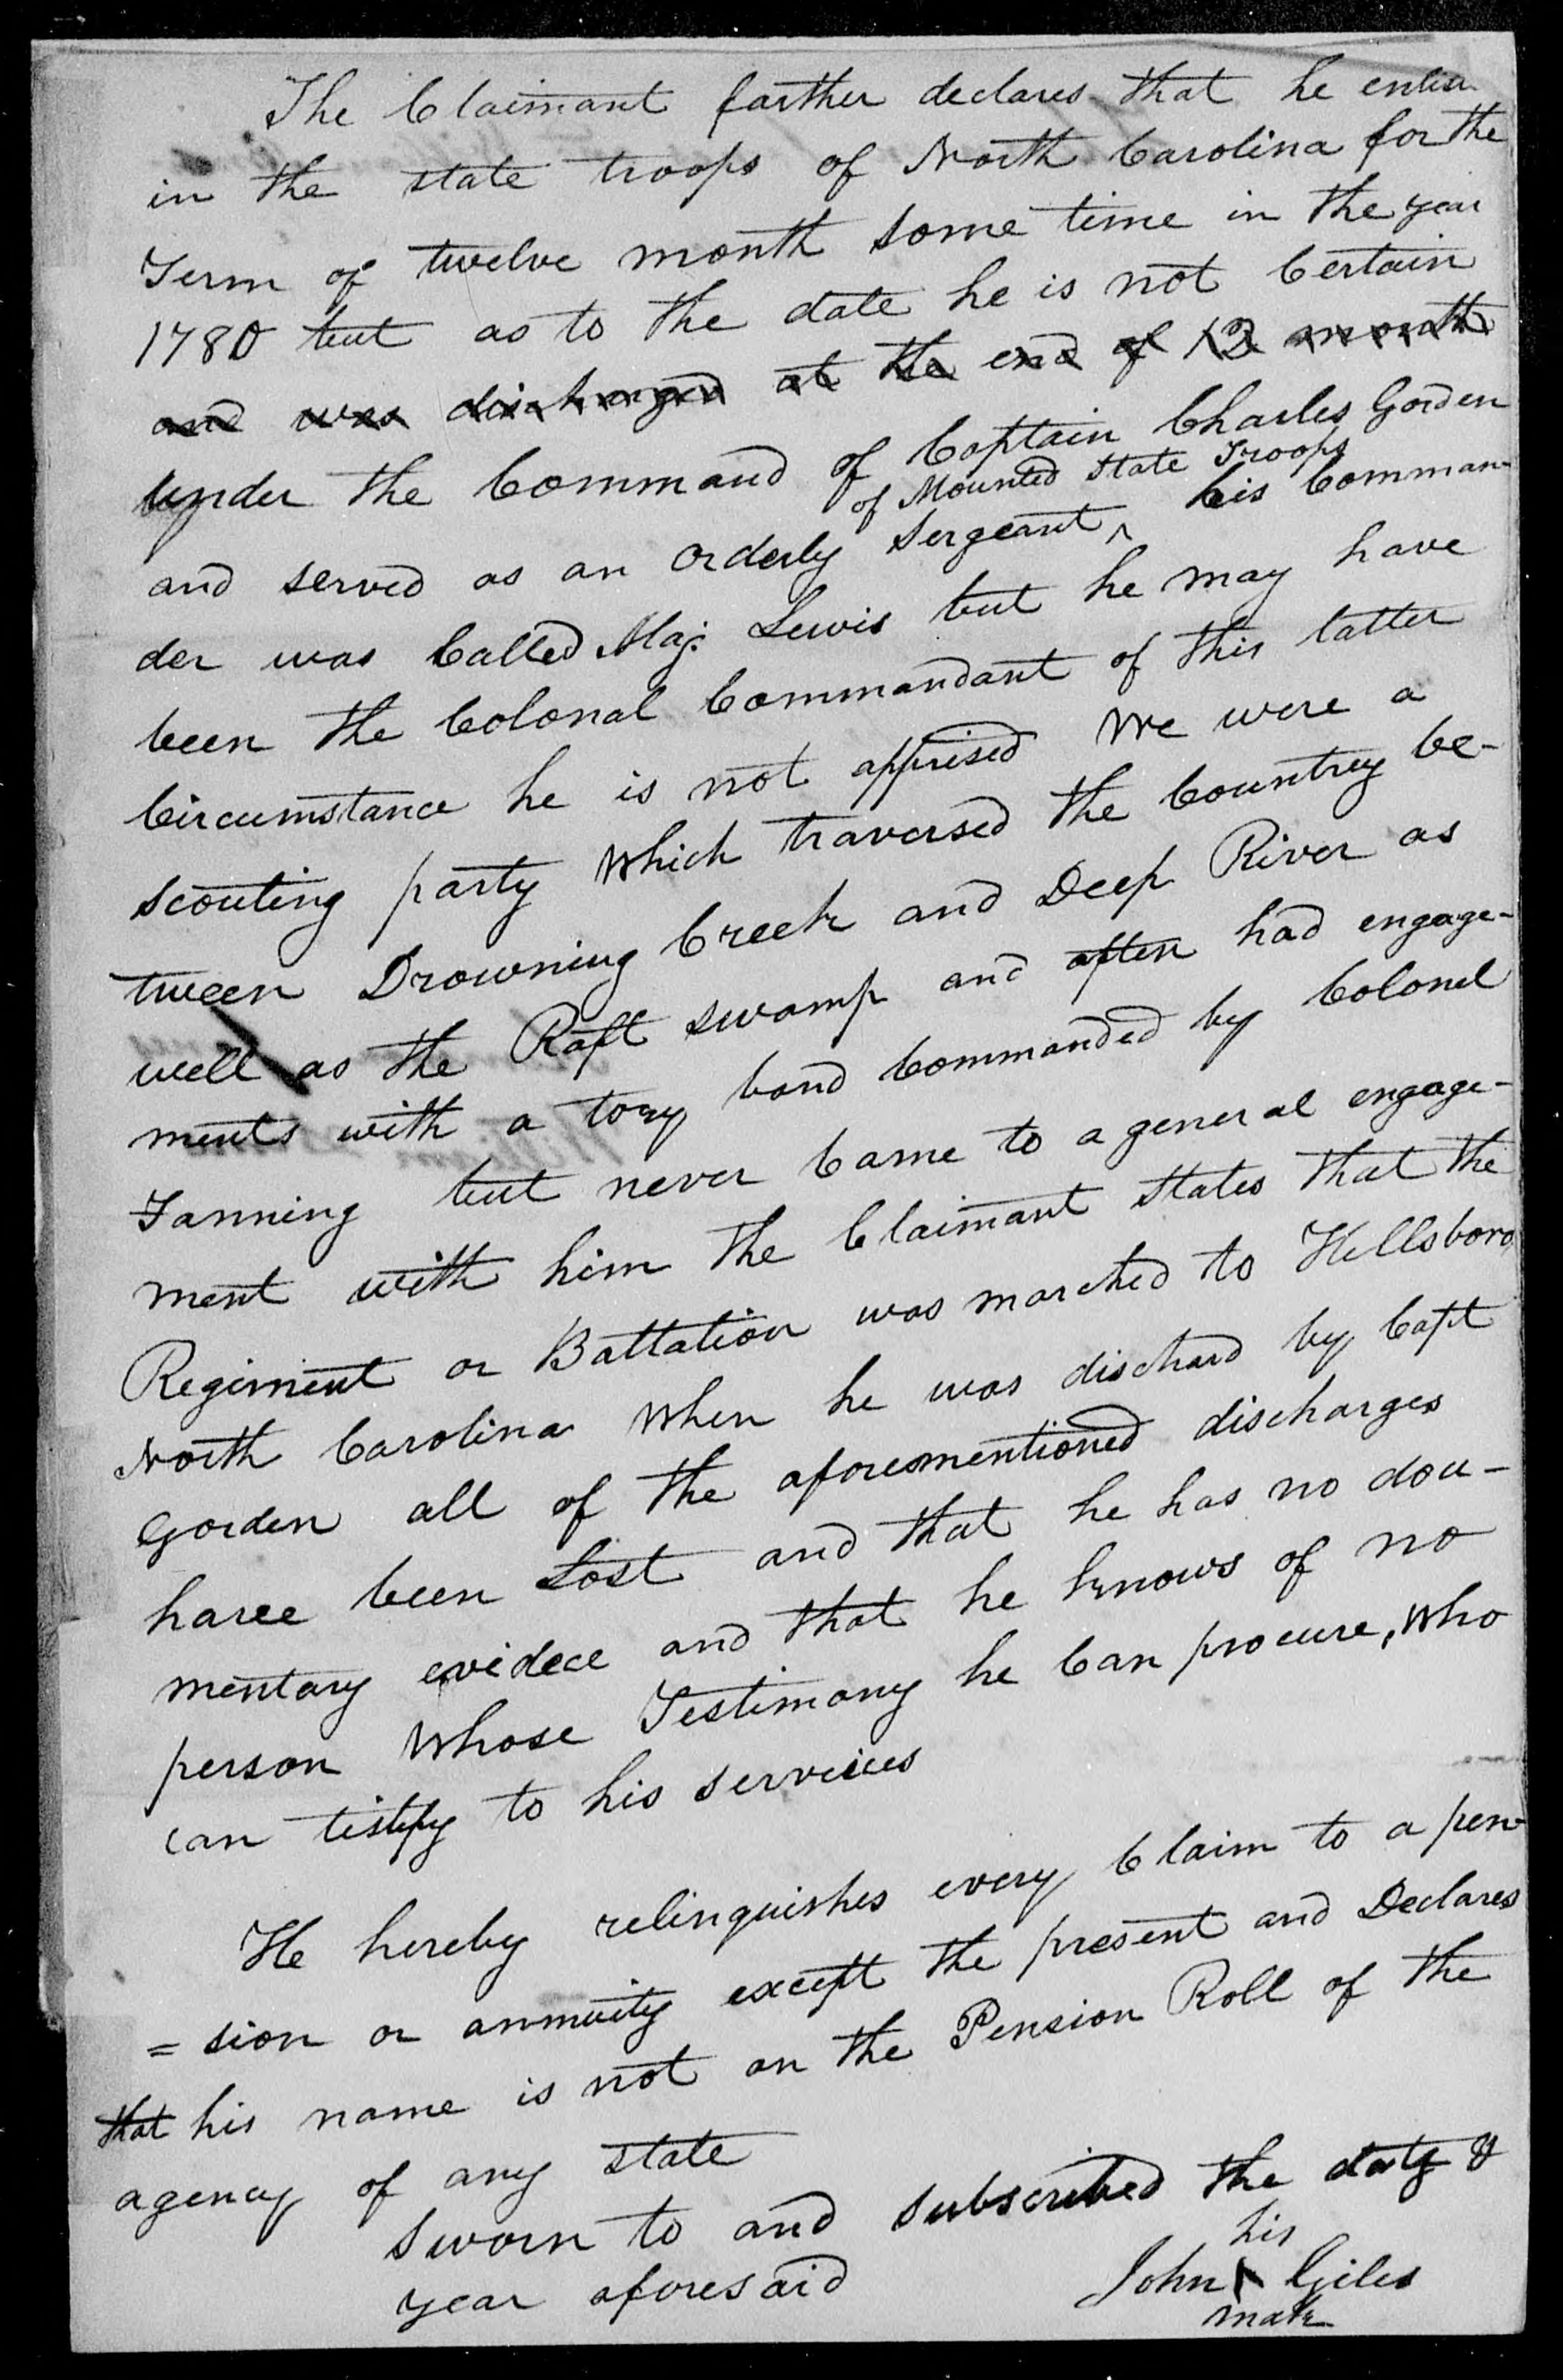The Claimant farther declares that he enlisted in the state troops of North Carolina for the term of twelve month some time in the year 1780 but as to the date he is not certain under the Command of Captain Charles Gorden and served as an orderly Sergeant of Mounted State Troops his commander was called Maj Lewis but he may have been the Colonal Commandant of this latter circumstance he is not apprised
We were a scouting party which traversed the country between Drowning Creek and Deep River as well as the Raft swamy and often had engagements with a tory band commanded by Colonel Fanning but never came to a general engagement with him The claimant states that the Regiment or Battalion was marched to Hillsborg North Carolina when he was dischard by Capt Gorden all of the aforementioned discharges have been lost and that he has no docimentary evidece and that he knows of no person whose testimony he can procure, who can testify to his services 
He hereby relinquishes every claim to a pension or annuity except the present and declares that his name is not on the Pension Roll of the agency of any state 
Sworn to and subscribed the date & year aforesaid
John  his X mark Giles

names: Lewis, Charles Gorden, Fanning, John Giles, Gorden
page: 7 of 82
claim: widow's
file: W. 7,522, John Giles, N.C.